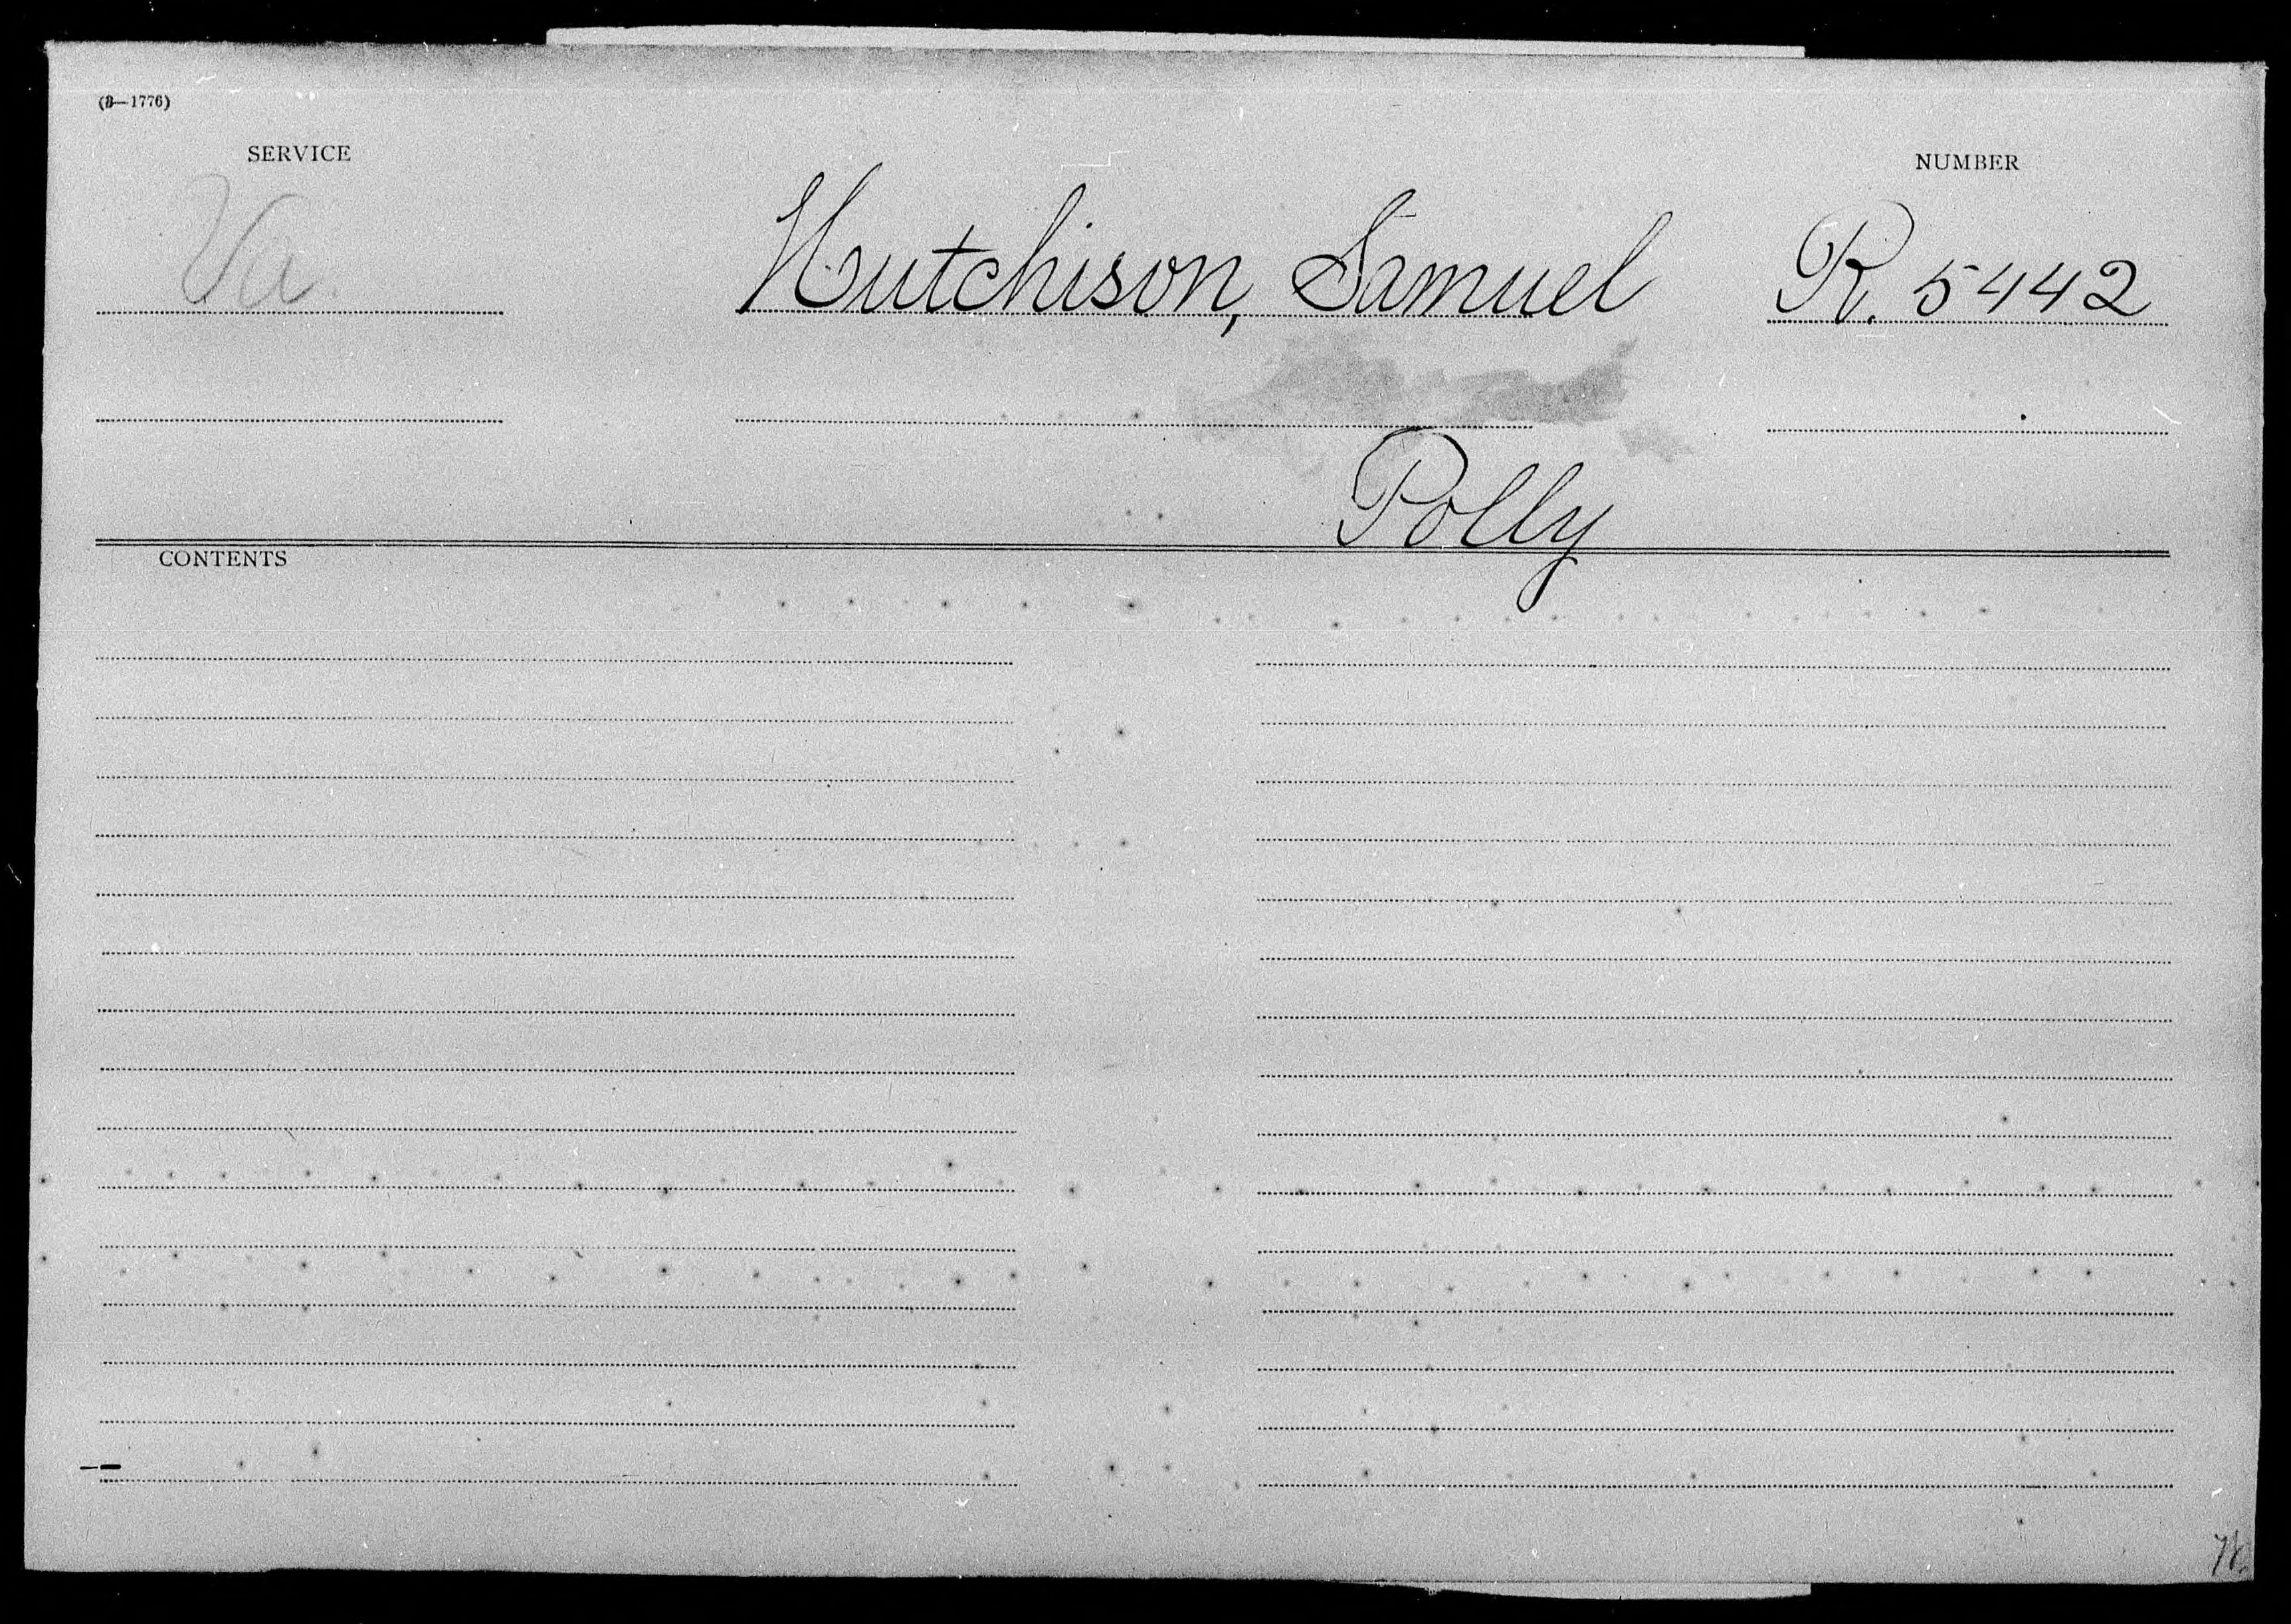[typed form, with handwritten responses]

[3-1776]

SERVICE
Va

Hutchison, Samuel
                  Polly

NUMBER
R.5442

CONTENTS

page: 1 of 19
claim: rejected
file: R. 5442, for Samuel Hutchison, Virginia